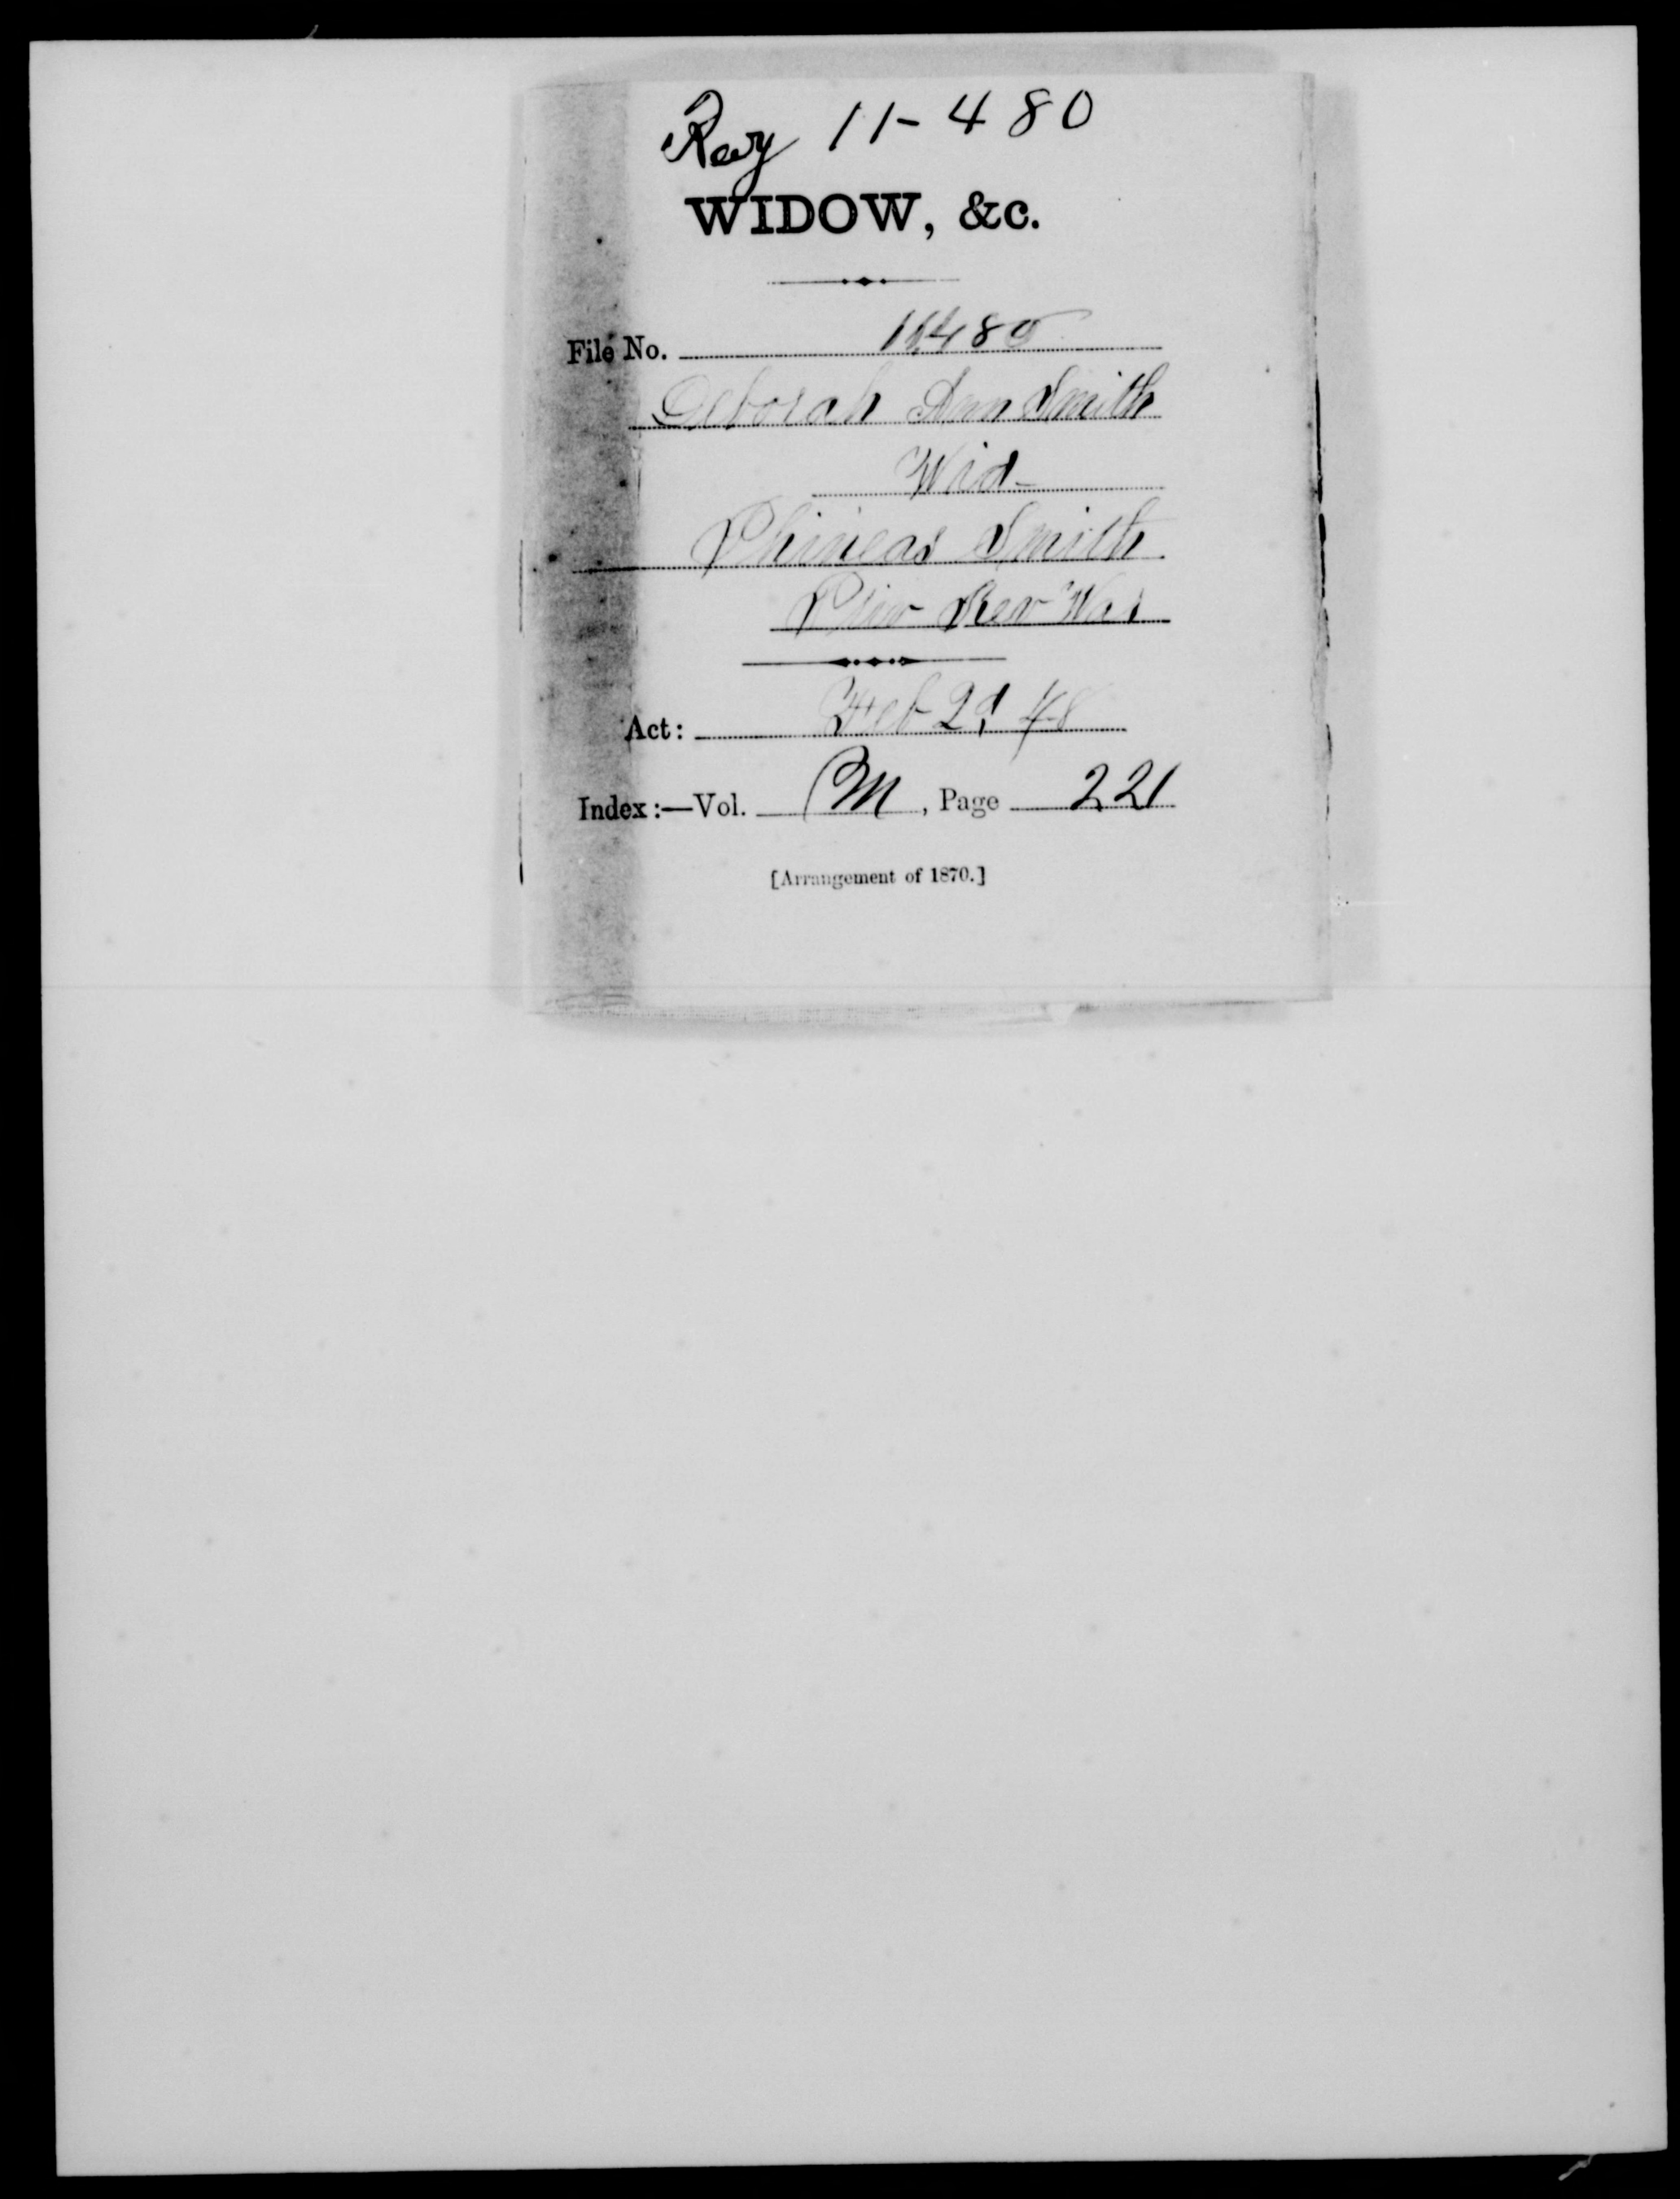Revy 11-480 
WIDOW, &c. 
File No. 11480 
Deborah Ann Smith 
Widow Phineas Smith 
Pri Rev War 
Feb 2d. ‘48 
Index:- Vol M Page 221 
[Arrangement of 1870.]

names: Deborah Ann Smith; Phineas Smith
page: 22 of 55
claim: widow's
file: W. 11480, for Phinehas Smith, Connecticut